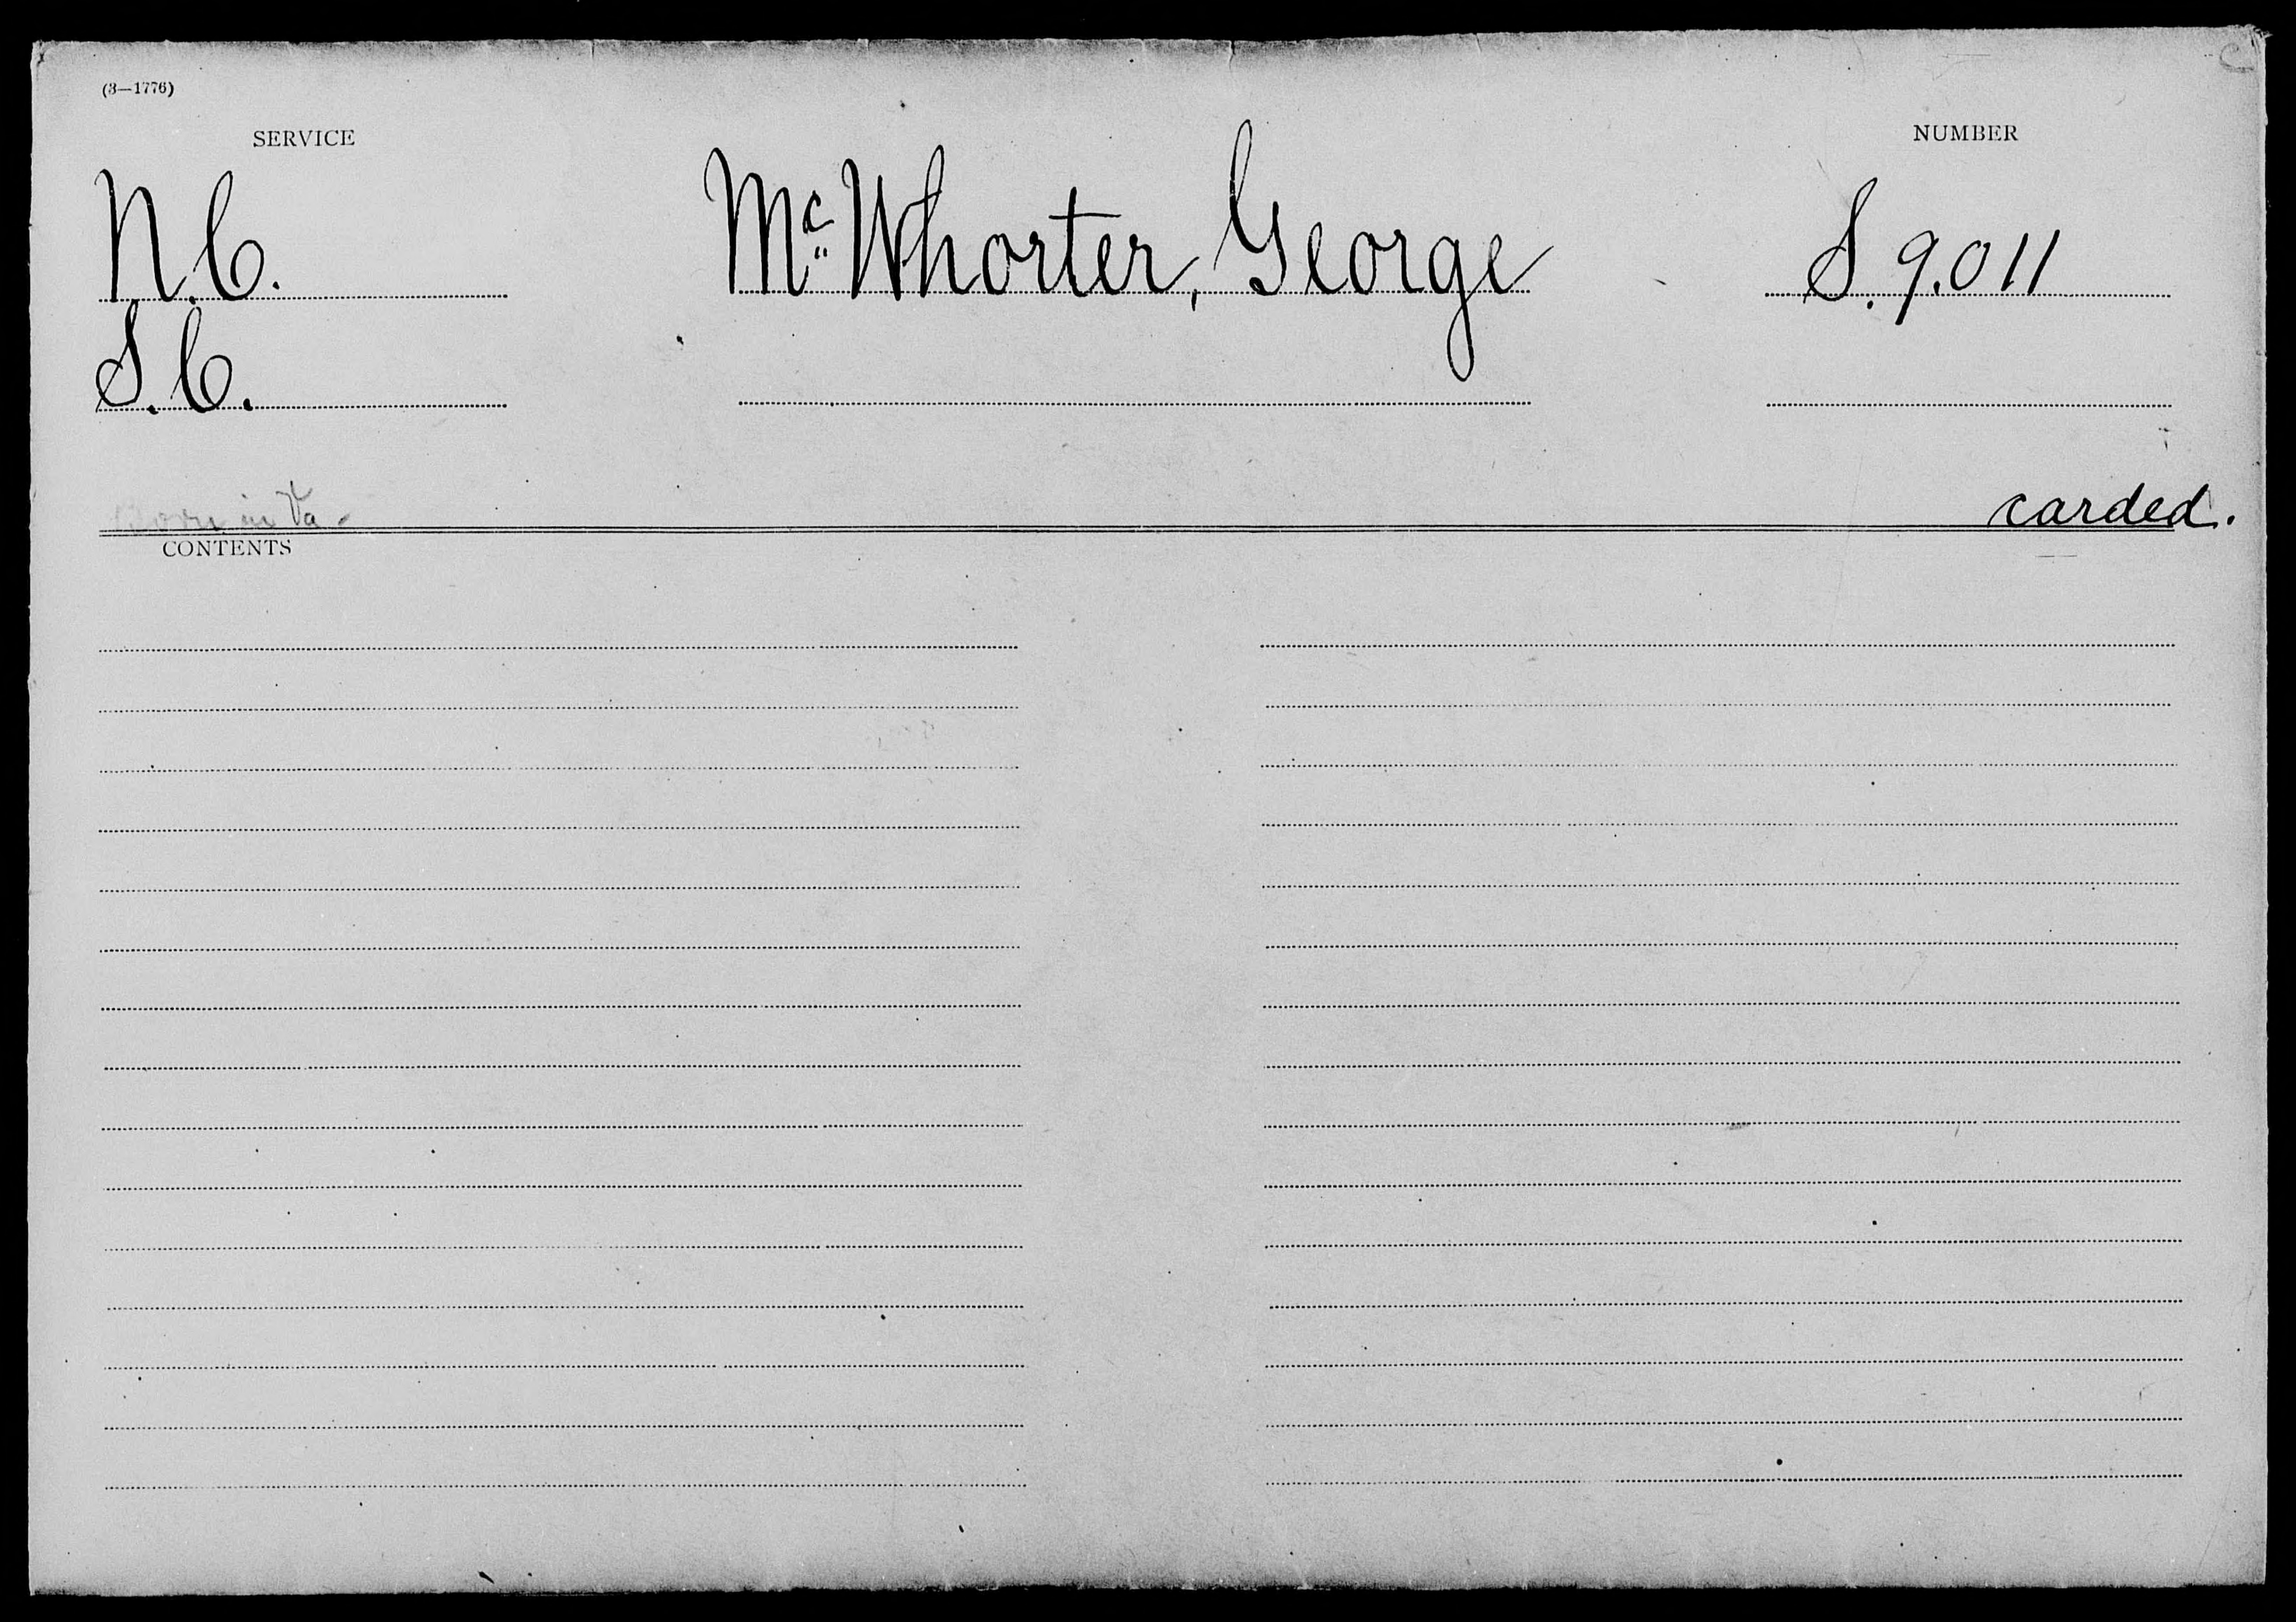N.C.
S.C.
McWhorter, George
S.9,011
carded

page: 1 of 35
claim: survivor's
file: S. 9,011, for George Mc Whorter, North Carolina